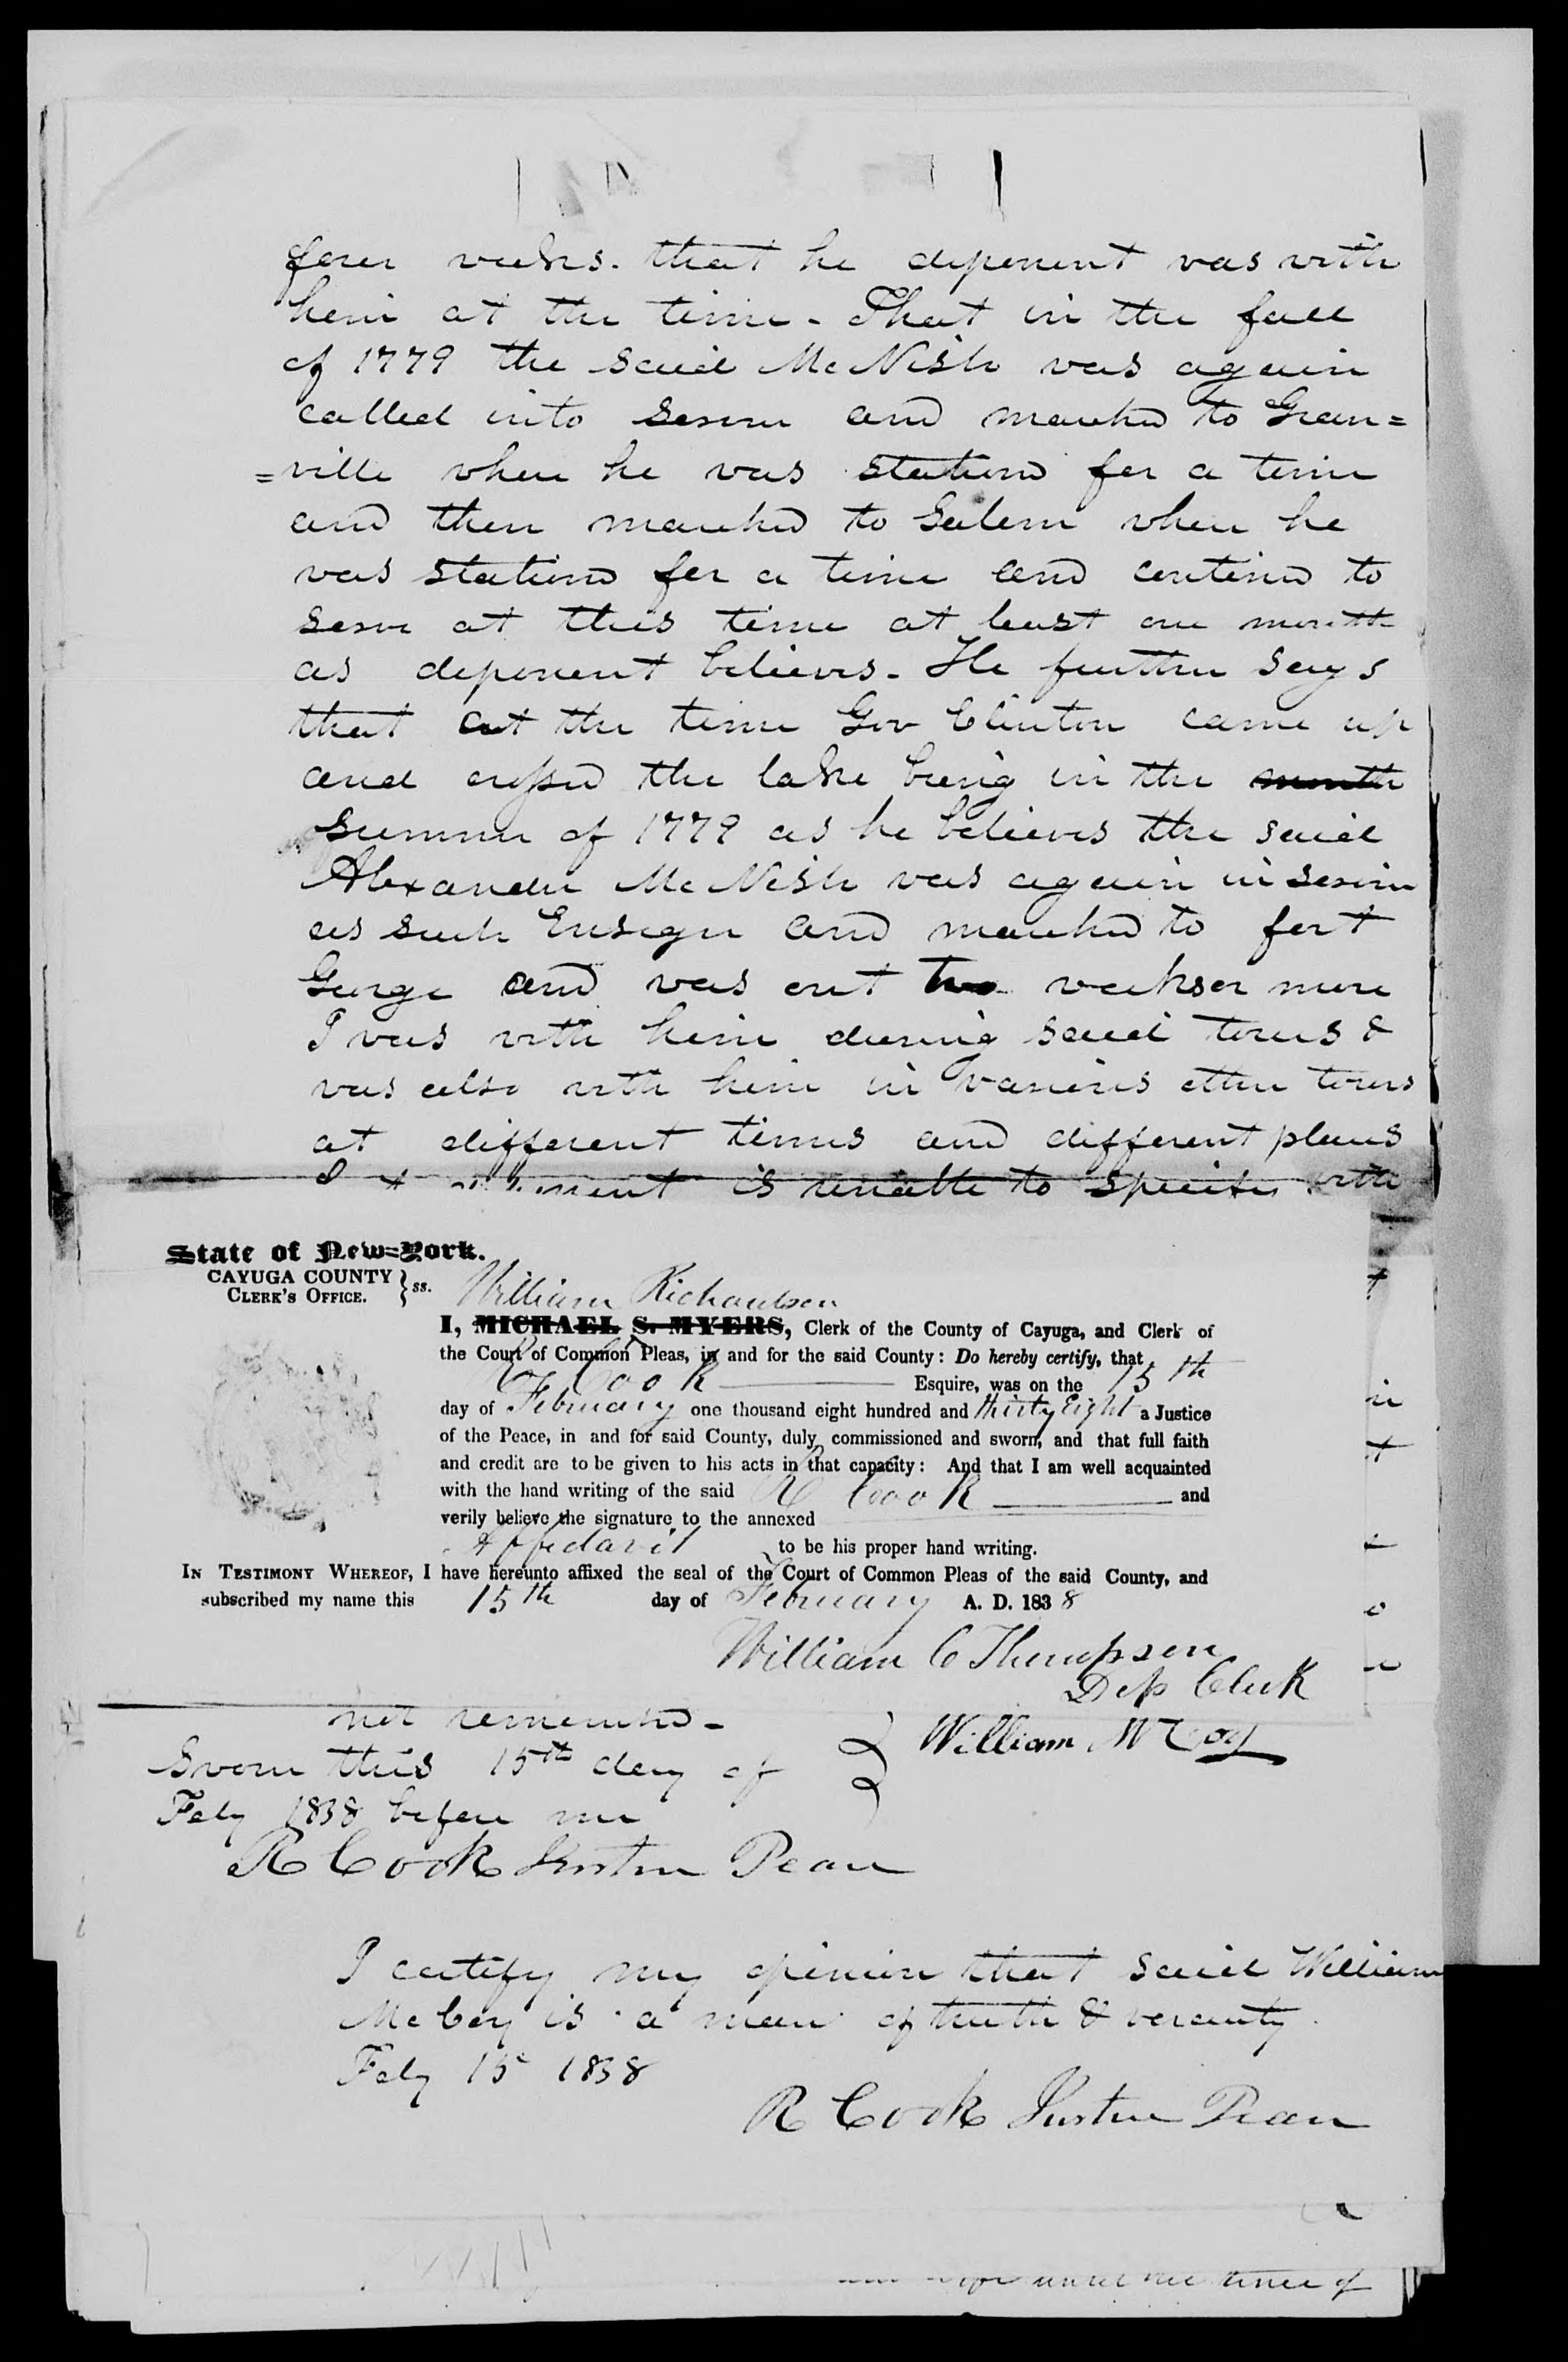four weeks. That he deponent was with him at the time. That in the fall of 1779 the said McNish was again called into serve and marched to Granville where he was stationed for a time and then marched to Salem where he was stationed for a time and continued to serve at this time at least one month as deponent believes. He further says that at the time Gov. Clinton came up and crossed the lake being in the in the summer of 1779 as he believes the said Alexander McNish was again in service as such Ensign and marched to Fort George and was out two weeks or more. I was not with him during said tour and was also with him in various other tours at different times and different places 
deponent is unable to specify 

State of New York
Cayuga County
Clerk's Office} ss. 
I, William Richardson, Clerk of the County of Cayuga, and Clerk of the Court of Common Pleas, in and for the said County: Do hereby certify, that R Cook Esquire, was on the 15th day of February one thousand eight hundred and thirty eight a Justice of the Peace, in and for said County, duly commissioned and sworn, and that full faith and credit are to be given  to his acts in that capacity: And that I am well acquainted with the hand writing of the said R Cook and verily believe the signature to the annexed Affidavit to be his proper hand writing.
In Testimony Whereof, I have hereunto affixed the seal of the Court of Common Pleas of the said County, and subscribed my name this 15th day of February A.D. 1838.
William C. Thompson
Dep Clerk

not reviewed.
Sworn this 15th day of 
Feby 1838 before me 
R Cook Justice Peace 

William McCoy 

I certify that said William McCoy is a man of truth and veracity 
Feby 15 1838
R Cook Justice Peace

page: 9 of 42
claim: widow's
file: W. 23,937 S. 28094, for Alexander Mc Nish, New York